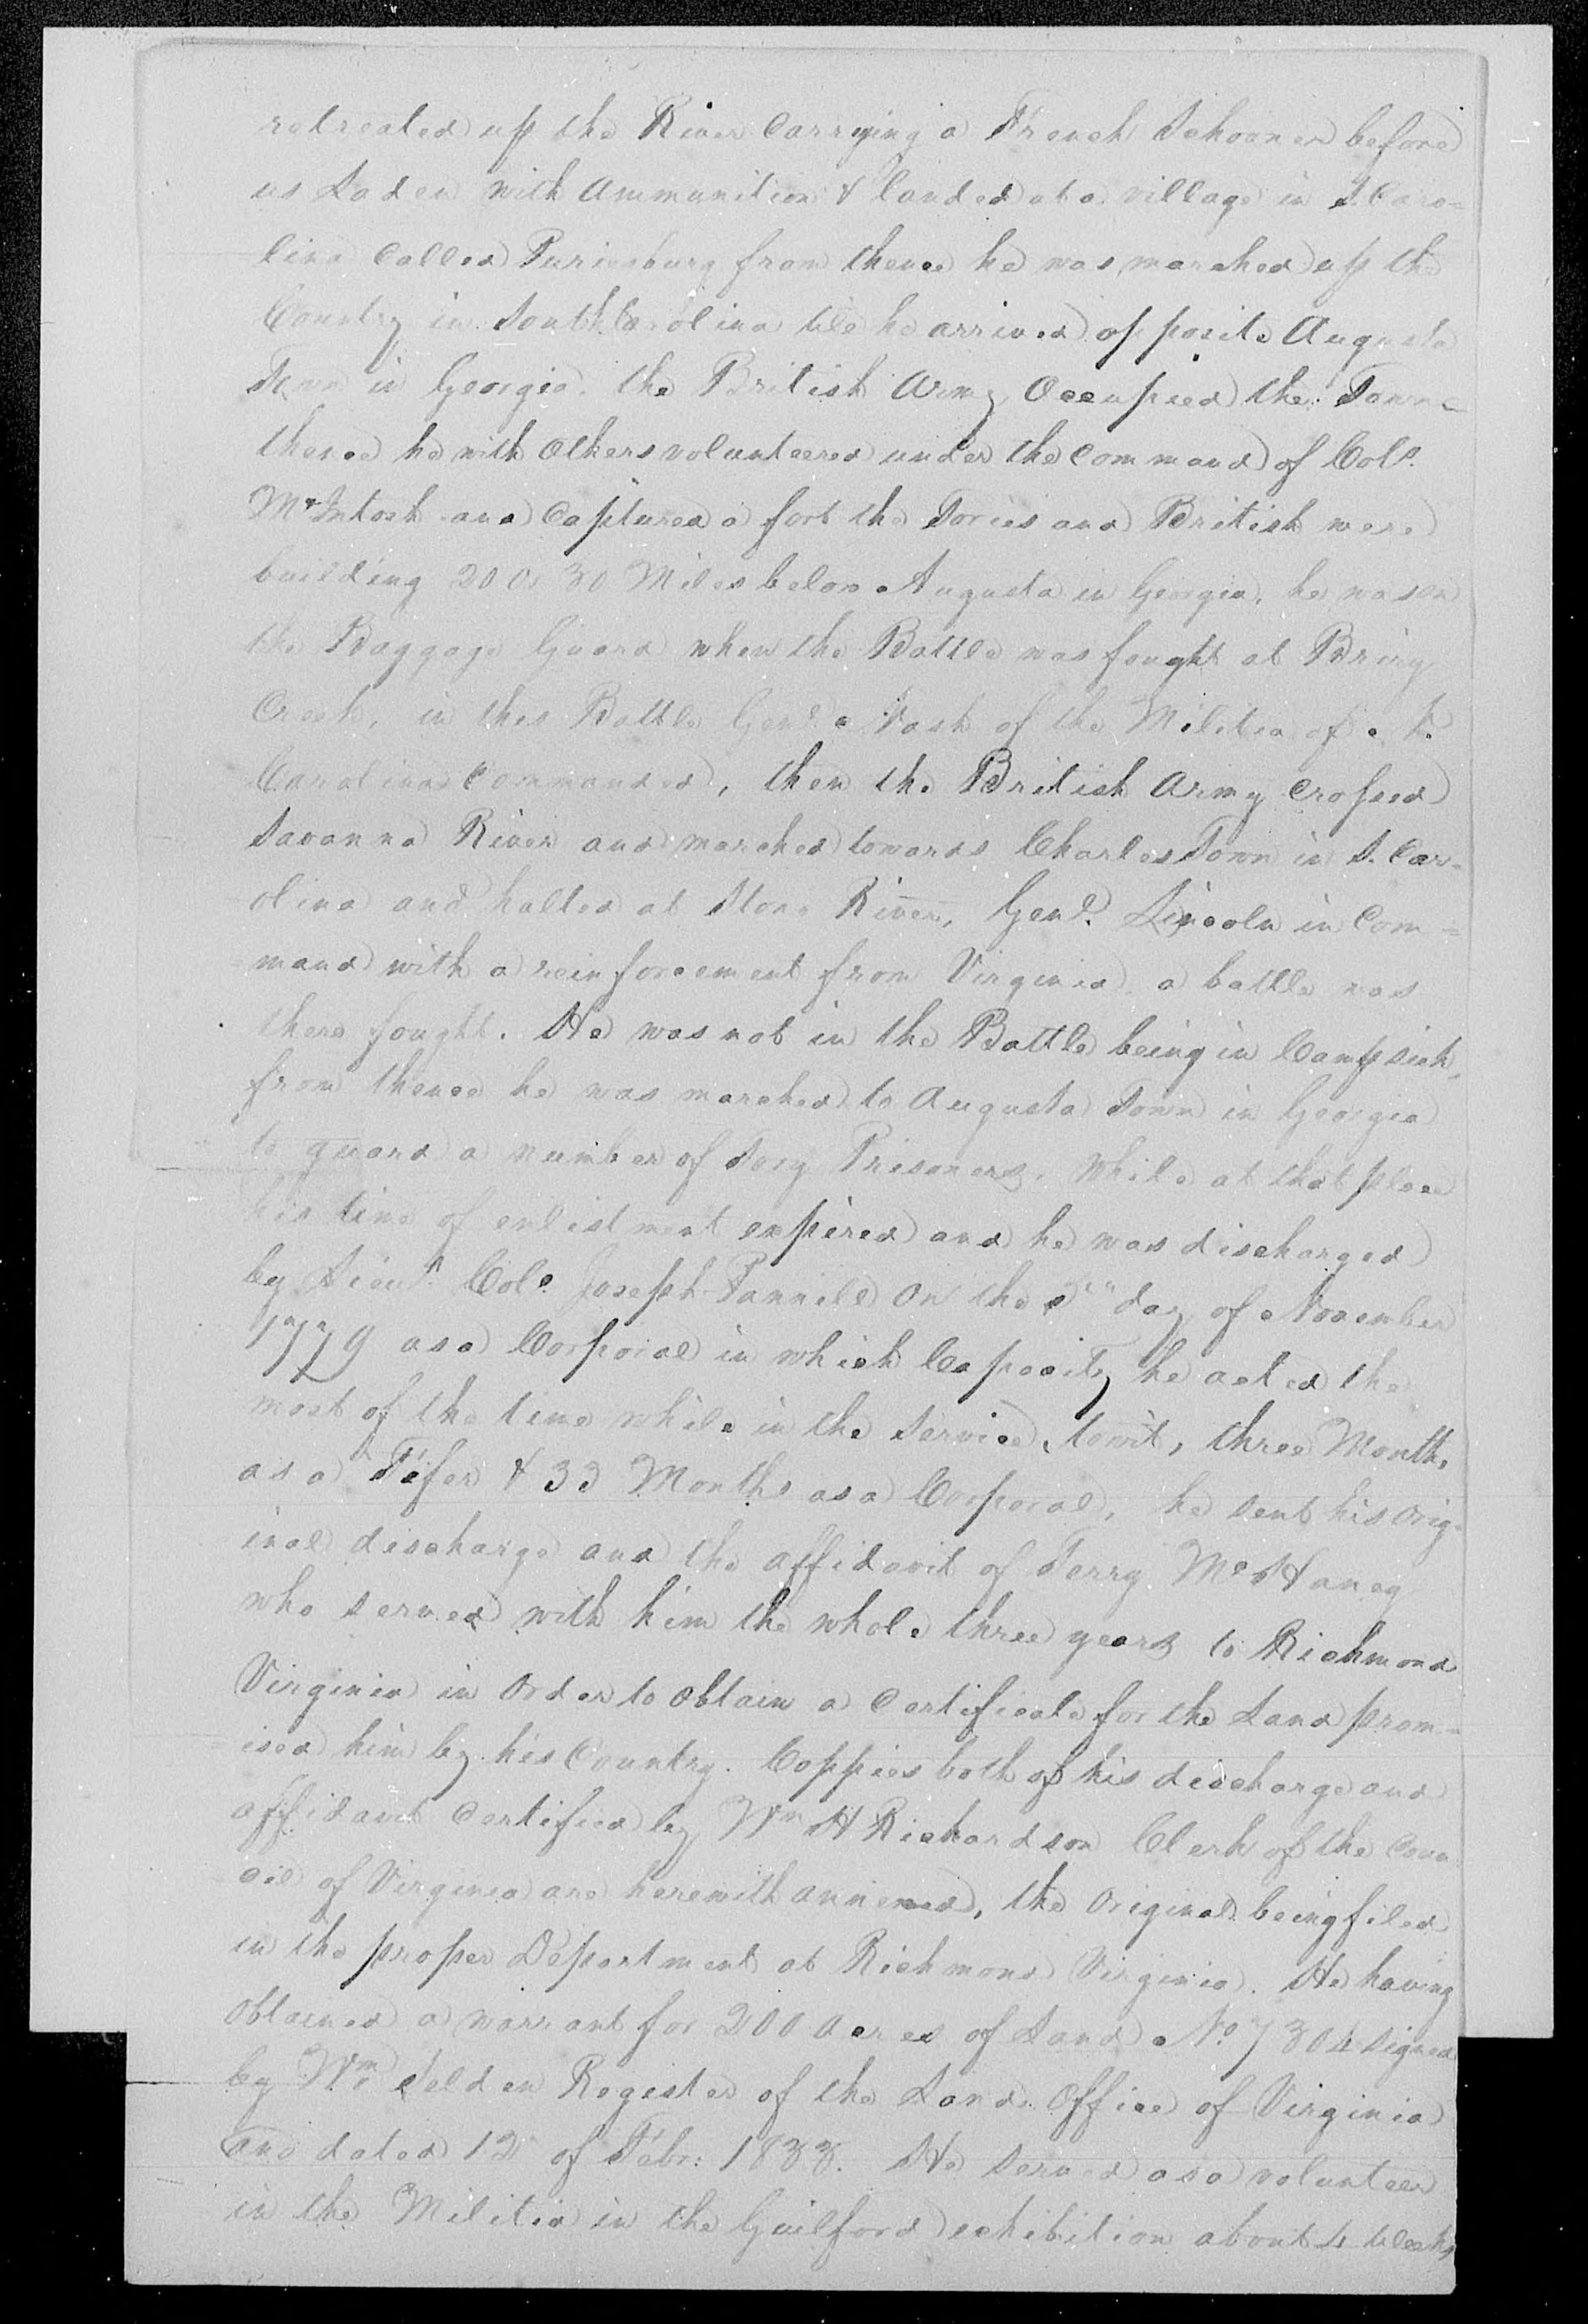retreated up the River carrying a French Schooner before us Laden with ammunition & landed at a village in S. Carolina called Purisburg from thence he was marched up the Country in South Carolina till he arrived opposite Augusta Towne in Georgia. the British Army occupied the Towne there he with others volunteered under the command of Colo. McIntosh and captured a fort the Tories and British were building 20 or 30 Miles below Augusta in Georgia. he was on the Baggage Guard when the Battle was fought at Brier Creek. in this Battle Gen’l. Nash of
the Militia of N. Carolina commanded, then the British Army crossed Savanna River and marched toward Charlestown in S. Carolina and halted at Stono River, Gen’l [Benjamin] Lincoln in Command with a reinforcement from Virginia a battle was there fought. He was not in the Battle being in Camp sick. from thence he was marched to Augusta Town in Georgia to guard a number of Tory Prisoners. While at that place his time of enlistment expired and he was discharged by Lieut. Colo. Joseph Pannill on the 3rd day of November 1779 as a Corporal in which Capacity he acted
the most of the time while in the Services, towit, three Months as a Fifer & 33 Months as a Corporal. he sent his original discharge and the affidavit of Terry McHaney who served
with him the whole three years to Richmond Virginia in order to obtain a certificate for the Land promised him by his Country. Coppies both of his discharges and affidavit certified by Wm. H.Richardson Clerk of the Council of Virginia are herewith annexed, the original being filed in the proper Department at Richmond Virginia. He having obtained a warrant for 200 acres of Land No. 7304 signed
by Wm. Seldon Register of the Land Office of Virginia and dated 12 of Febr 1838. He served as a volunteer in the Militia in the Guilford expedition about 4 weeks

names: Terry Mc Haney, Lincoln, Wm H Richardson, Nosh, Joseph Pannill, Mc Intosh, Wm Selden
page: 4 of 26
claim: survivor's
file: S. 20896, Griffeth Dickenson, Ga. Va.